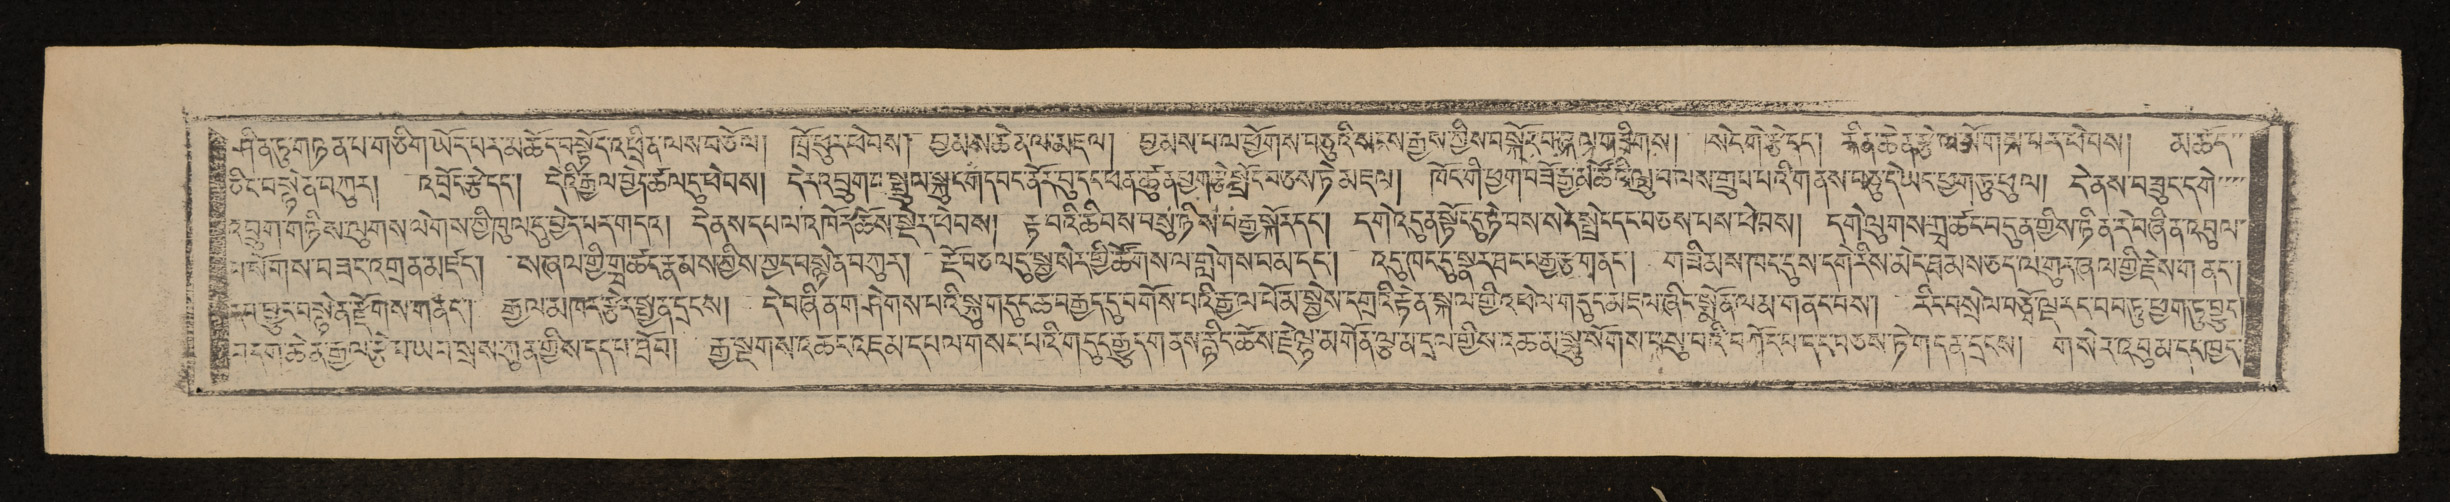ཤིན་ཏུ་གཉན་པ་གཅིག་ཡོད་པར་མཆོད་བསྟོད་འཕྲིན་ལས་བཅོལ། ཁྲོ་ཕུར་ཕེབས། བྱམས་ཆེན་ལ་མཇལ། བྱམས་པ་ལ་ཕྱོགས་བཅུའི་སངས་རྒྱས་ཀྱིས་བསྐོར་བ་ཞལ་གཟིགས། སེང་གེ་རྩེ་དང་། རིན་ཆེན་རྩེ་ལ་སོགས་པར་ཕེབས། མཆོད་
ཅིང་བསྙེན་བཀུར། འབྲོང་རྩེ་དང་། དེའི་རྒྱལ་བྱེད་ཚལ་དུ་ཕེབས། དེར་འབྲུག་པ་སྤྲུལ་སྐུ་ངག་དབང་ནོར་བུ་དང་ཕན་ཚུན་ཕྱག་རྩེ་སྤྲོད་བཅས་ཏེ་མཇལ། ཁོང་གི་ཕྱག་བཟོ་རྒྱ་མཚོའི་ཝུ་བ་ལས་གྲུབ་པའི་གནས་བཅུ་དེ་ཡང་ཕྱག་ཏུ་ཕུལ། དེ་ནས་བཟུང་དགེ་
འབྲུག་གཉིས་ལུགས་ལེགས་ཀྱི་ཁུལ་དུ་བྱེད་པར་གདའ། དེ་ནས་དཔལ་འཁོར་ཆོས་སྡེར་ཕེབས། རྟ་བའི་ཆིབས་བསུ་ཉིས་བརྒྱ་སྐོར་དང་། དགེ་འདུན་སྟོང་དུ་ཉེ་བས་སེར་སྦྲེང་དང་བཅས་པས་ཕེབས། དགེ་ལུགས་གྲྭ་ཚང་བདུན་གྱིས་ཉིན་རེ་བཞིན་འབུལ་
བ་སོགས་བཟང་འགྲན་མཛད། ས་ཞལ་གྱི་གྲྭ་ཚང་རྣམས་ཀྱིས་ཀྱང་བསྙེན་བཀུར། རྡོ་བཅལ་དུ་སྐྱ་སེར་གྱི་ཚོགས་ལ་གླེགས་བམ་དང་། འདུ་ཁང་དུ་སྣར་ཐང་བརྒྱ་རྩ་གནང་། གཟིམས་ཁང་དུས་དགེ་རིས་མེད་ཐམས་ཅད་ལ་གུར་ཞལ་གྱི་རྗེས་གནང་།
རབ་བྱུང་བསྙེན་རྫོགས་གནང་། རྒྱལ་མཁར་རྩེར་སྤྱན་དྲངས། དེ་བཞིན་གཤེགས་པའི་སྐུ་གདུང་ཆ་བརྒྱད་དུ་བགོས་པའི་རྒྱལ་པོ་མ་སྐྱེས་དགྲའི་རྟེན་སྐལ་གྱི་འཕེལ་གདུང་མཇལ་ཞིང་སྨོན་ལམ་གནང་བས། རིང་བསྲེལ་བཅྭོ་ལྔར་དབབ་ཏུ་ཕྱག་ཏུ་བྱུང་།
བདག་ཆེན་རྒྱལ་རྩེ་བ་ཡབ་སྲས་ཀུན་གྱིས་དད་པ་ཐོབ། རྒྱ་སྔགས་འཆང་འཇམ་དཔལ་གསང་པའི་གདུང་རྒྱུད་གནས་རྙིང་ཆོས་རྗེ་ལྷ་མགོན་ལྕམ་དྲལ་གྱིས་འཆམ་སྐུ་སོགས་བསུ་བའི་བཀོད་པ་དང་བཅས་ཏེ་གདན་དྲངས། གསེར་འབུམ་དང་ཁྱད་